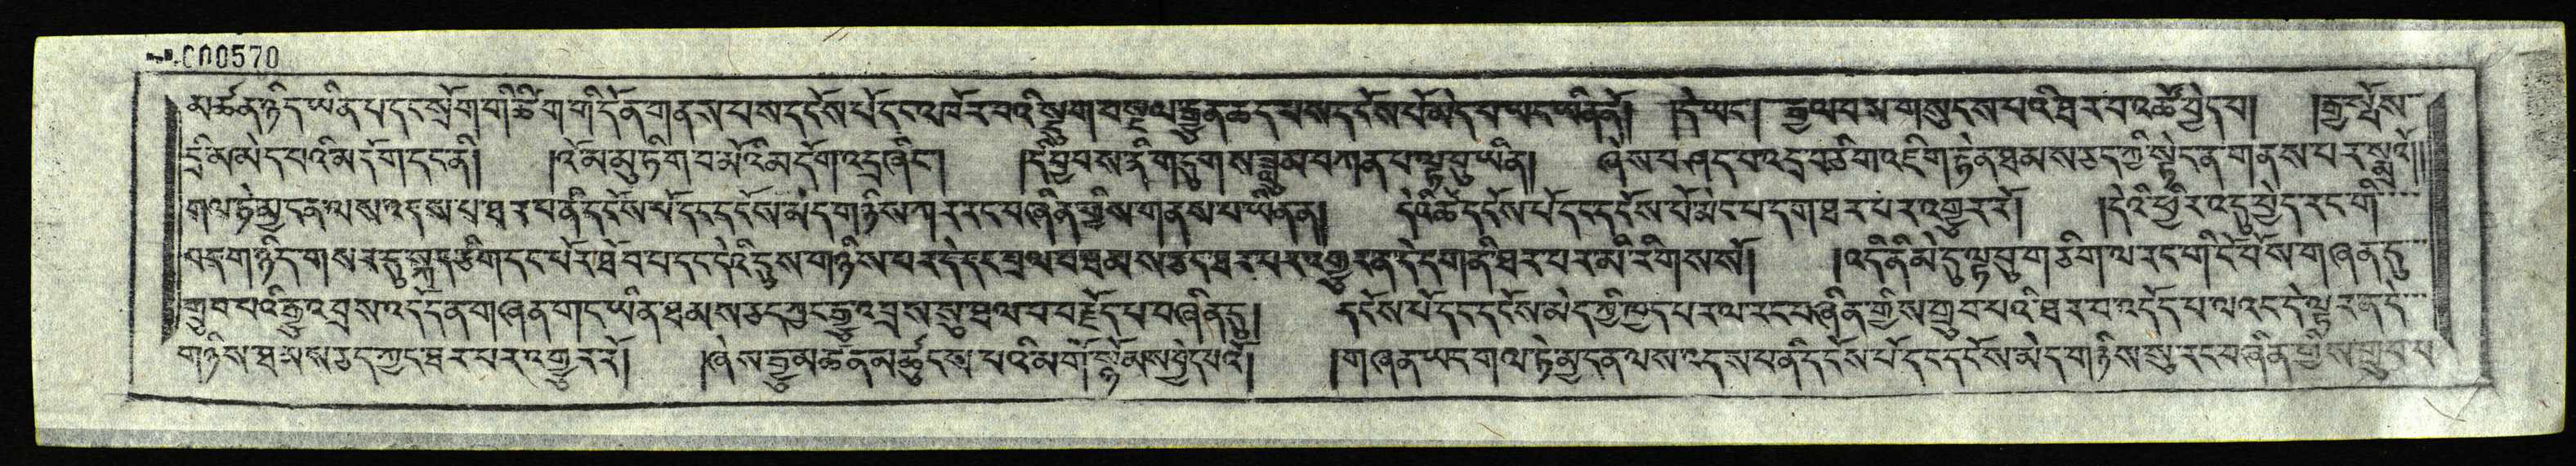མཚན་ཉིད་ཡིན་པ་དང་སྲོག་གི་ཚིག་གི་དོན་གནས་པས་དངོས་པོ་དང་འཁོར་བའི་སྡུག་བསྔལ་རྒྱུན་ཆད་པས་དངོས་པོ་མེད་པ་ཡང་ཡིན་ནོ། །དེ་ཡང་། རྒྱལ་བས་གསུངས་པའི་ཐར་བ་འཚོ་བྱེད་པ། །རྒྱ་སྤོས་
དྲི་མ་མེད་པའི་མདོག་དང་ནི། །འོ་མ་མུ་ཏིག་བ་མོའི་མདོག་འདྲ་ཞིང་། །དབྱེ་བས་ནི་གདུགས་ཟླུམ་བཀན་པ་ལྟ་བུ་ཡིན། ཞེས་བཤད་པ་འདྲ་བ་ཅིག་འཇིག་རྟེན་ཐམས་ཅད་ཀྱི་སྟེང་ན་གནས་པར་སྨྲའོ།།
གལ་ཏེ་མྱ་ངན་ལས་འདས་པ་ཐར་པ་ནི་དངོས་པོ་དང་དངོས་པོ་མེད་གཉིས་ཀར་རང་བཞིན་གྱིས་གནས་པ་ཡིན་ན། དེའི་ཚེ་དངོས་པོ་དང་དངོས་པོ་མེད་པ་དག་ཐར་པར་འགྱུར་རོ། །དེའི་ཕྱིར་འདུ་བྱེད་རང་གི་
བདག་ཉིད་གསར་དུ་སྐད་ཅིག་དང་པོར་ཐོབ་པ་དང་དེའི་དུས་གཉིས་པར་དེ་དང་བྲལ་བ་ཐམས་ཅད་ཐར་པར་འགྱུར་ན་དེ་དག་ནི་ཐར་པར་མི་རིགས་སོ། །འདི་ནི་མེ་དུ་ལྟ་བུ་གཅིག་ལ་རང་གི་ངོ་བོས་གཞན་དུ་
གྲུབ་པའི་རྒྱུ་འབྲས་འདོད་ན་གཞན་གང་ཡིན་ཐམས་ཅད་ཀྱང་རྒྱུ་འབྲས་སུ་ཐལ་བ་བརྗོད་པ་བཞིན་དུ། དངོས་པོ་དང་དངོས་མེད་ཀྱི་ཁྱད་པར་ལ་རང་བཞིན་གྱིས་གྲུབ་པའི་ཐར་བ་འདོད་པ་ལའང་དེ་ལྟར་ན་དེ་
གཉིས་ཐམས་ཅད་ཀྱང་ཐར་པར་འགྱུར་རོ། །ཞེས་རྒྱུ་མཚན་མཚུངས་པའི་མགོ་སྙོམས་བྱེད་པའོ། །གཞན་ཡང་གལ་ཏེ་མྱ་ངན་ལས་འདས་པ་ནི་དངོས་པོ་དང་དངོས་མེད་གཉིས་སུ་རང་བཞིན་གྱིས་གྲུབ་པ་